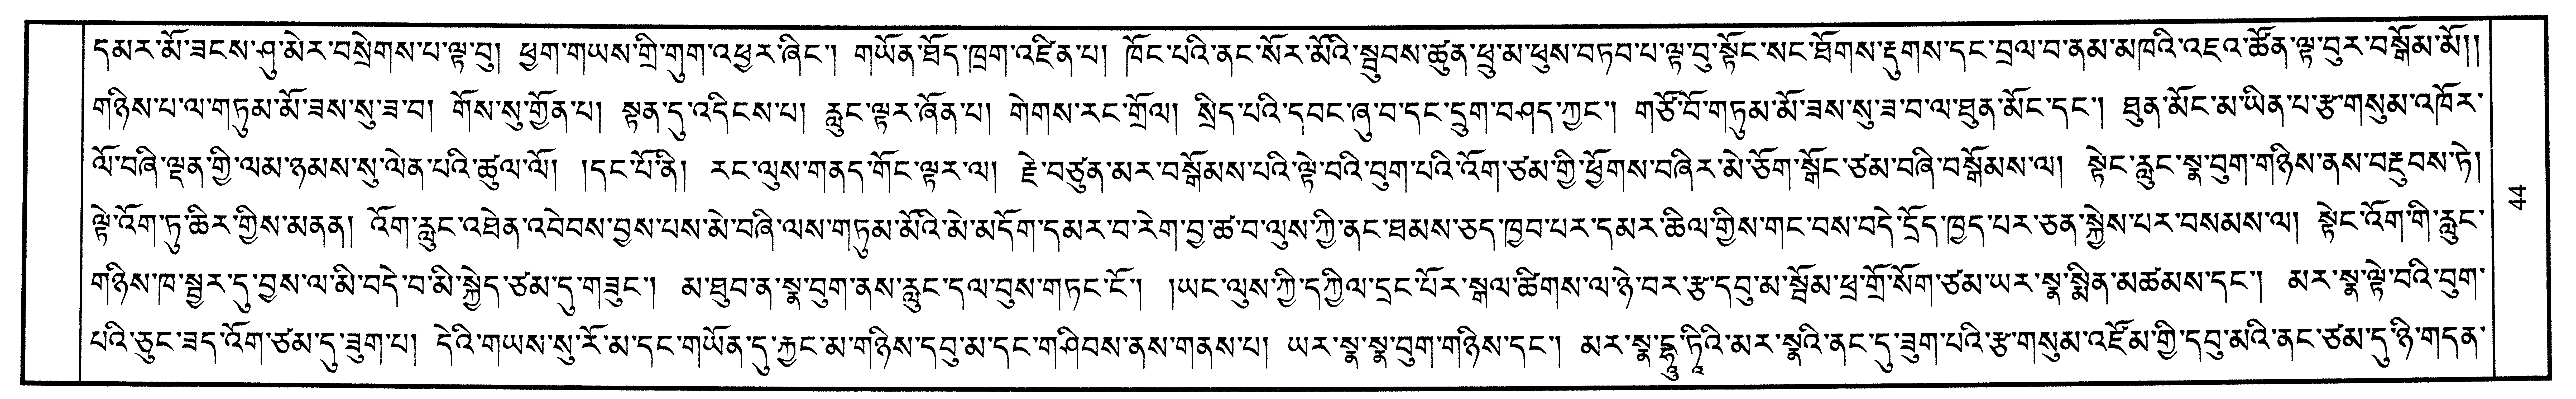དམར་མོ་ཟངས་ཤུ་མེར་བསྲེགས་པ་ལྟ་བུ། ཕྱག་གཡས་གྲི་གུག་འཕྱར་ཞིང་། གཡོན་ཐོད་ཁྲག་འཛིན་པ། ཁོང་པའི་ནང་སོར་མོའི་སྦུབས་ཚུན་ཕྲུ་མ་ཕུས་བཏབ་པ་ལྟ་བུ་སྟོང་སང་ཐོགས་རྡུགས་དང་བྲལ་བ་ནམ་མཁའི་འཇའ་ཚོན་ལྟ་བུར་བསྒོམ་མོ།།
གཉིས་པ་ལ་གཏུམ་མོ་ཟས་སུ་ཟ་བ། གོས་སུ་གྱོན་པ། སྟན་དུ་འདིངས་པ། རླུང་ལྟར་ཞོན་པ། གེགས་རང་གྲོལ། །སྲིད་པའི་དབང་ཞུ་བ་དང་དྲུག་བཤད་ཀྱང་། གཙོ་བོ་གཏུམ་མོ་ཟས་སུ་ཟ་བ་ལ་ཐུན་མོང་དང་། ཐུན་མོང་མ་ཡིན་པ་རྩ་གསུམ་འཁོར་
ལོ་བཞི་ལྡན་གྱི་ལམ་ཉམས་སུ་ལེན་པའི་ཚུལ་ལོ། །དང་པོ་ནི། རང་ལུས་གནད་གོང་ལྟར་ལ། རྗེ་བཙུན་མར་བསྒོམས་པའི་ལྟེ་བའི་བུག་པའི་འོག་ཙམ་གྱི་ཕྱོགས་བཞིར་མེ་ཅོག་སྒོང་ཙམ་བཞི་བསྒོམས་ལ། སྟེང་རླུང་སྣ་བུག་གཉིས་ནས་བརྔུབས་ཏེ།
ལྟེ་འོག་ཏུ་ཆིར་གྱིས་མནན། འོག་རླུང་འཐེན་འབེབས་བྱས་པས་མེ་བཞི་ལས་གཏུམ་མོའི་མེ་མདོག་དམར་བ་རེག་བྱ་ཚ་བ་ལུས་ཀྱི་ནང་ཐམས་ཅད་ཁྱབ་པར་དམར་ཆིལ་གྱིས་གང་བས་བདེ་དྲོད་ཁྱད་པར་ཅན་སྐྱེས་པར་བསམས་ལ། སྟེང་འོག་གི་རླུང་
གཉིས་ཁ་སྦྱར་དུ་བྱས་ལ་མི་བདེ་བ་མི་སྐྱེད་ཙམ་དུ་གཟུང་། མ་ཐུབ་ན་སྣ་བུག་ནས་རླུང་དལ་བུས་གཏང་ངོ། །ཡང་ལུས་ཀྱི་དཀྱིལ་དྲང་པོར་སྒལ་ཚིགས་ལ་ཉེ་བར་རྩ་དབུ་མ་སྦོམ་ཕྲ་གྲོ་སོག་ཙམ་ཡར་སྣ་སྨིན་མཚམས་དང་། །མར་སྣ་ལྟེ་བའི་བུག་
པའི་ཅུང་ཟད་འོག་ཙམ་དུ་ཟུག་པ། དེའི་གཡས་སུ་རོ་མ་དང་གཡོན་དུ་རྐྱང་མ་གཉིས་དབུ་མ་དང་གཤིབས་ནས་གནས་པ། ཡར་སྣ་སྣ་བུག་གཉིས་དང་། མར་སྣ་དྷཱུ་ཏཱིའི་མར་སྣའི་ནང་དུ་ཟུག་པའི་རྩ་གསུམ་འཛོམ་གྱི་དབུ་མའི་ནང་ཙམ་དུ་ཉི་གདན་